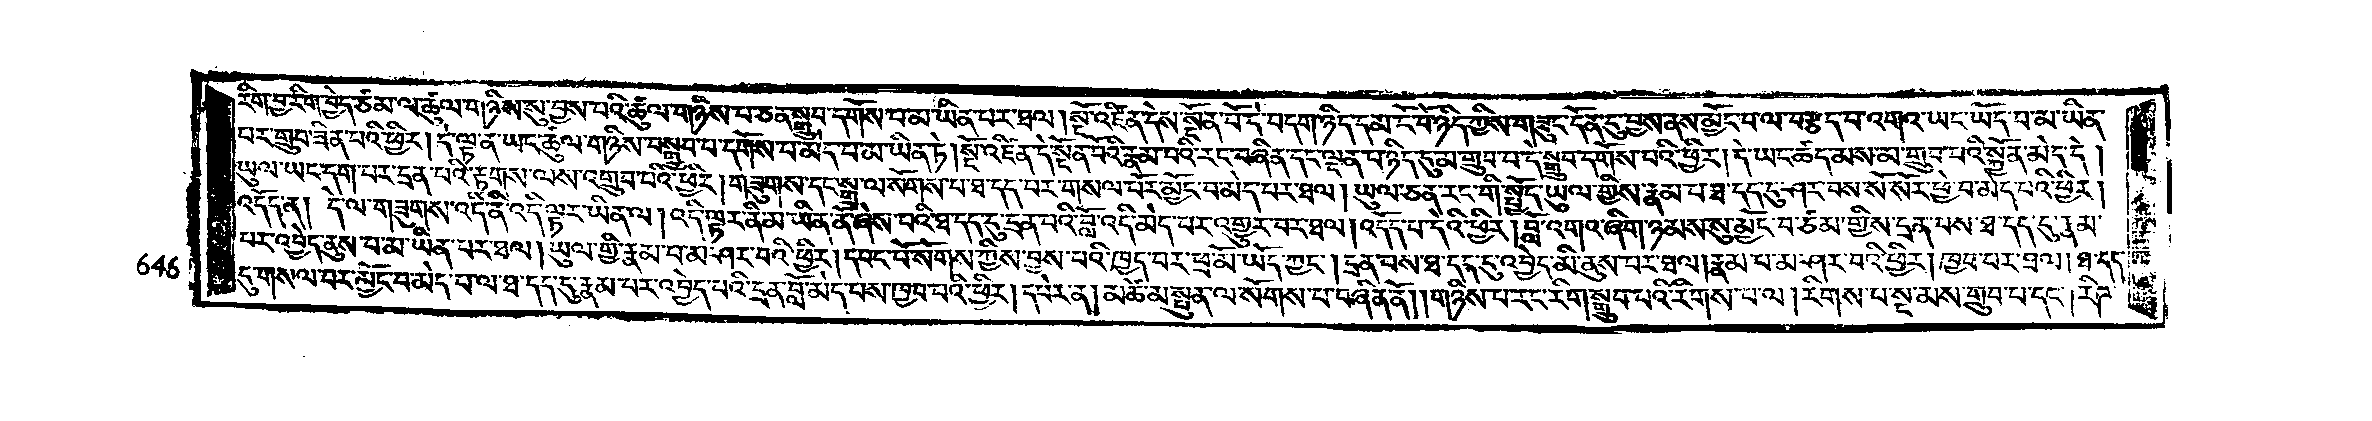རིག་བྱ་རིག་བྱེད་ཙམ་ལ་ཚུལ་གཉིས་སུ་བྱས་པའི་ཚུལ་གཉིས་པ་ཅན་སྒྲུབ་དགོས་པ་མ་ཡིན་པར་ཐལ། སྔོ་འཛིན་དེས་སྔོན་པོ་དེ་བདག་ཉིད་དམ་ངོ་བོ་ཉིད་ཀྱིས་གཟུང་དོན་དུ་བྱས་ནས་མྱོང་བ་ལ་བརྩད་པ་འགའ་ཡང་ཡོད་པ་མ་ཡིན་
པར་གྲུབ་ཟིན་པའི་ཕྱིར། དེ་ལྟ་ན་ཡང་ཚུལ་གཉིས་བསྒྲུབ་པ་དགོས་པ་མེད་པ་མ་ཡིན་ཏེ། སྔོ་འཛིན་དེ་སྔོན་པོའི་རྣམ་པའི་རང་བཞིན་དང་ལྡན་པ་ཉིད་དུ་མ་གྲུབ་པ་དེ་སྒྲུབ་དགོས་པའི་ཕྱིར། དེ་ཡང་ཚད་མས་མ་གྲུབ་པའི་སྐྱོན་མེད་དེ།
ཡུལ་ཡང་དག་པར་དྲན་པའི་རྟགས་ལས་འགྲུབ་པའི་ཕྱིར། གཟུགས་དང་སྒྲ་ལ་སོགས་པ་ཐ་དད་པར་གསལ་པོར་མྱོང་བ་མེད་པར་ཐལ། ཡུལ་ཅན་རང་གི་སྤྱོད་ཡུལ་གྱིས་རྣམ་པ་ཐ་དད་དུ་ཤར་བས་སོ་སོར་ཕྱེ་བ་མེད་པའི་ཕྱིར།
འདོད་ན། དེ་ལ་གཟུགས་འདི་ནི་འདི་ལྟར་ཡིན་ལ། འདི་ལྟར་ནི་མ་ཡིན་ནོ་ཞེས་པའི་ཐ་དད་དུ་དྲན་པའི་བློ་འདི་མེད་པར་འགྱུར་བར་ཐལ། འདོད་པ་དེའི་ཕྱིར། བློ་འགའ་ཞིག་ཉམས་སུ་མྱོང་བ་ཙམ་གྱིས་དྲན་པས་ཐ་དད་དུ་རྣམ་
པར་འབྱེད་ནུས་པ་མ་ཡིན་པར་ཐལ། ཡུལ་གྱི་རྣམ་པ་མ་ཤར་བའི་ཕྱིར། དབང་པོ་སོགས་ཀྱིས་བྱས་པའི་ཁྱད་པར་ཕྲ་མོ་ཡོད་ཀྱང་། དྲན་པས་ཐ་དད་དུ་འབྱེད་མི་ནུས་པར་ཐལ། རྣམ་པ་མ་ཤར་པའི་ཕྱིར། ཁྱབ་པར་ཐལ། ཐ་དད་
དུ་གསལ་བར་མྱོང་བ་མེད་པ་ལ་ཐ་དད་དུ་རྣམ་པར་འབྱེད་པའི་དྲན་བློ་མེད་པས་ཁྱབ་པའི་ཕྱིར། དཔེར་ན། མཚེ་མ་སྤུན་ལ་སོགས་པ་བཞིན་ནོ། །གཉིས་པ་རང་རིག་སྒྲུབ་པའི་རིགས་པ་ལ། རིགས་པ་སྔ་མས་གྲུབ་པ་དང་། རིཌ་